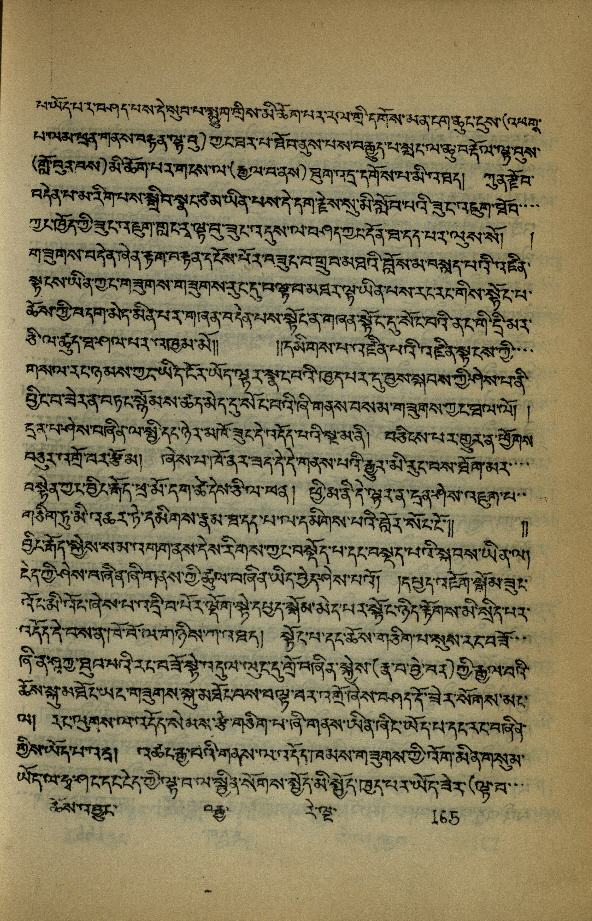པ་ཡོད་པར་བཤད་པས་དེ་སུབ་པ་སྨྱུག་གྲིས་མི་ཆོག་པར་རལ་གྲི་དགོས་མན་ངག་ཆུང་དུས་འཕགས་
པ་ལམ་ཕྲན་གནས་བརྟན་ལྟ་བུ་ཀྱང་ཐར་པ་ཐོབ་ནུས་པས་བརྒྱུད་པ་སྤང་ལ་ཆུ་བརྡོལ་ལྟ་བུས་
གློ་བུར་བས་མི་ཆོག་པར་གངས་ལ་རྒྱལ་བ་ནས་ཐུག་འདྲ་དགོས་པ་མི་འཐད། ཀུན་རྫོབ་
བདེན་པ་མ་རིག་པས་སྒྲིབ་སྣང་ཙམ་ཡིན་པས་དེ་དག་རྗེས་སུ་མི་སློབ་པའི་ཟུང་འཇུག་ཐོབ་
ཀྱང་ཁྱོད་ཀྱི་ཟུང་འཇུག་གླང་རྭ་ལྟ་བུ་ཟུང་འདུས་ལ་བཤད་ཀྱང་དོན་ཐ་དད་པར་ལུས་སོ། །
གཟུགས་བདེན་ཞེན་རྟག་བརྟན་དངོས་པོར་བཟུང་བ་གྲུབ་མཐའི་བློས་མ་བསླད་པའི་འཛིན་
སྟངས་ཡིན་ཀྱང་གཟུགས་གཟུགས་རུང་དུ་བལྟ་བ་མཐར་ལྟ་ཡིན་པས་རང་རང་གིས་སྟོང་པ་
ཆོས་ཀྱི་བདག་མེད་མིན་པར་གཞན་བདེན་པས་སྟོང་ན་གཞན་སྟོང་དུ་སོང་བའི་ནང་གི་དྲི་མར་
ཅི་ལ་ཚུད་ཐ་ཤལ་པར་འཁྱམ་མོ།། །།དམིགས་པ་འཛིན་པའི་འཛིན་སྟངས་ཀྱི་
གསལ་རང་ཉམས་ཀྱང་ཡིད་ངོར་ཡོད་ལྟར་སྣང་བའི་ཁྱད་པར་དུ་བྱས་སྐབས་ཀྱི་ཤེས་པ་ནི་
བྱིང་བ་ཟེར་ན་བཏང་སྙོམས་ཚད་མེད་དུ་སོང་བའི་ཞི་གནས་བསམ་གཟུགས་ཀྱང་ཐལ་ལོ། །
དྲན་པ་ཤེས་བཞིན་ལ་སྤྱི་དང་ཉེར་མཁོ་ཟུང་དེ་འདོད་པའི་སྔ་མ་ནི། བཅིངས་པར་གྱུར་ན་ཕྱོགས་
བཅུར་འགྲོ་བར་རྩོམ། ཞེས་པ་ཁོ་ནར་ཟད་དེ་དེ་གནས་པའི་རྒྱུར་མི་རུང་བས་ཐོག་མར་
བསྟེན་ཀྱང་བྱིང་རྒོད་ཕྲ་མོ་དག་ཚེ་དེས་ཅི་ལ་ཕན། ཕྱི་མ་ནི་དེ་ལྟར་ན་དྲན་ཤེས་འཇུག་པ་
གཅིག་ཏུ་མི་འཆར་ཏེ་དམིགས་རྣམ་ཐ་དད་པ་ལ་དམིགས་པའི་བློར་སོང་ངོ།། །།
བྱིང་རྒོད་སྐྱེས་སམ་འགག་ནས་དེས་རིགས་ཀྱང་བསྡོད་པ་དང་བསྡད་པའི་སྐབས་ཡིན་ལ།
ངེད་ཀྱི་ཤེས་བཞིན་ཞི་གནས་ཀྱི་ཚུལ་བཞིན་ཡིད་བྱེད་ཤེས་པའོ། །དཔྱད་འཇོག་སྒོམ་ཟུང་
འོང་མི་འོང་ཞེས་པ་འདྲི་བ་པོར་ལྡོག་སྟེ་དཔྱད་སྒོམ་མེད་པར་སྟོང་ཉིད་རྟོགས་མི་སྲིད་པར་
འདོད་དེ་བས་ན་ཁོ་བོ་ལ་གཉིས་ཀ་འཐད། སྟོང་པ་དང་ཆོས་གཅིག་པ་སུས་རང་བཟོ་
ཞི་ན་ཤཱཀྱ་ཐུབ་པའི་རང་བཟོ་སྟེ་འདུལ་ལུང་དུ་གྲོ་བཞིན་སྐྱེས་རྣ་བ་བྱེ་བར་ཀྱི་རྒྱལ་བའི་
ཆོས་སྐུ་མཐོང་ཡང་གཟུགས་སྐུ་མཐོང་བས་བལྟ་བར་འགྲོ་ཞེས་བཤད་དོ་ཟེར་སོགས་མང་
ལ། རང་ལུགས་ལ་འདོད་སེམས་རྩེ་གཅིག་པ་ཞི་གནས་ཡིན་ཞིང་ཡོད་པ་དང་རང་བཞིན་
གྱིས་ཡོད་པ་འདྲ། འཚང་རྒྱ་བའི་གནས་ལ་འདོད་ཁམས་གཟུགས་ཀྱི་འོག་མིན་གསུམ་
ཡོད་ལ་ཧྭ་ཤང་དང་ངེད་ཀྱི་ལྟ་བ་ལ་སྦྱིན་སོགས་སྤྱོད་མི་སྤྱོད་ཁྱད་པར་ཡོད་ཟེར་ལྟ་བ་